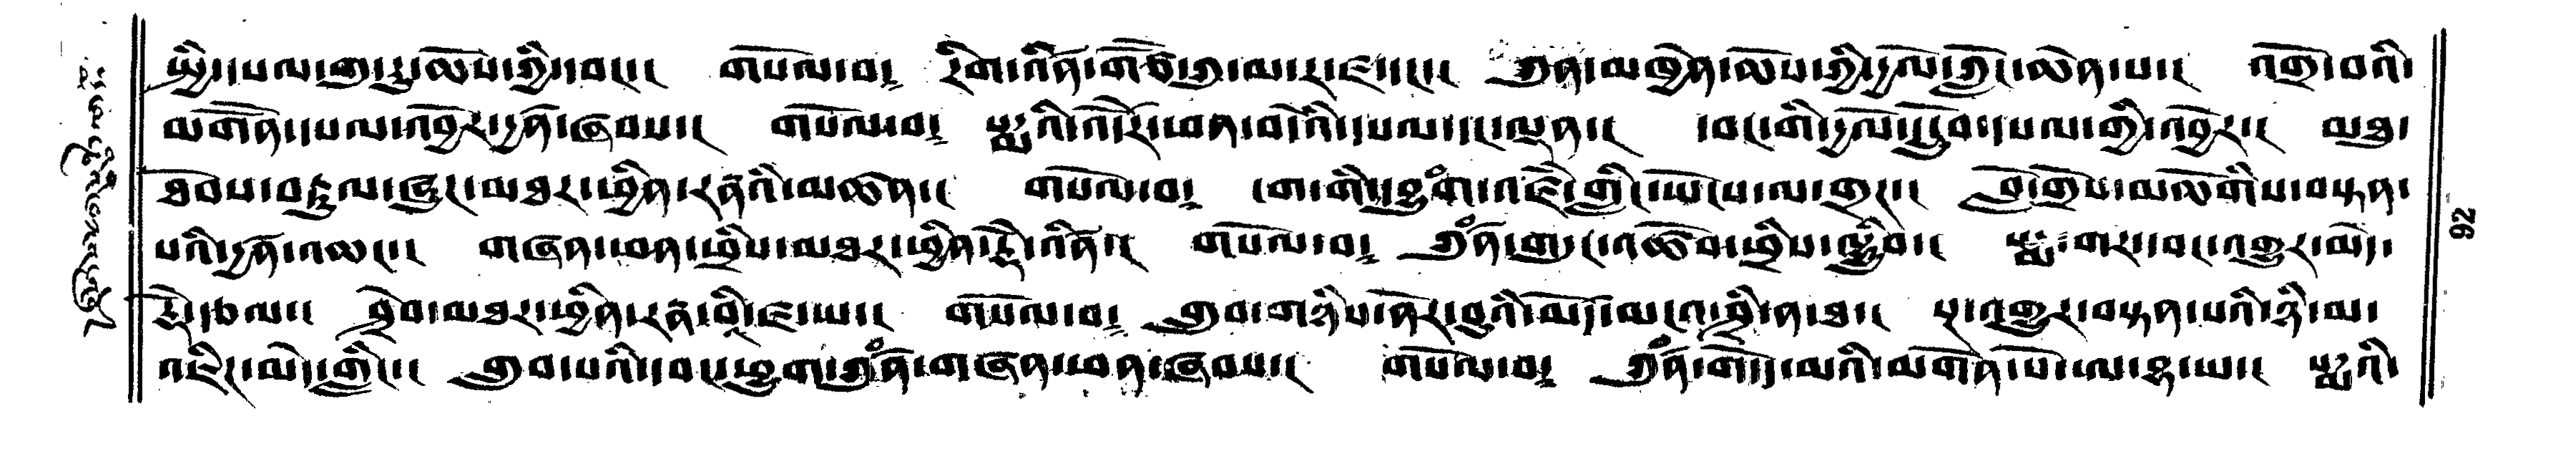སྤྱི་དཔལ་གུ་རུ་ཆོས་ཀྱི་དབང་། །གསོལ་བ༴ རིག་འཛིན་གཙོ་བོ་ཀུ་མ་ར་ཛ་དང་། །ཀུན་མཁྱེན་ཆོས་ཀྱི་རྒྱལ་པོ་ཀློང་ཆེན་པ། །འགྲོ་བའི་
མགོན་པོ་དཔལ་འབྱོར་རྒྱ་མཚོའི་ཞབས། །གསོལ་བ༴ པདྨའི་འོད་ཟེར་ཕན་བདེའི་དཔལ་དང་ལྡན། །དབང་གི་རྒྱལ་པོ་དངོས་གྲུབ་དཔལ་གྱི་འབྱོར། །མཐུ་
སྟོབས་བརྟུལ་ཞུགས་མཐར་ཕྱིན་རཏྣའི་མཚན། །གསོལ་བ༴ ངག་གི་དབང་ཕྱུག་འཛམ་གླིང་ཡོངས་ལ་གྲགས། །བློ་གྲོས་མཆོག་གིས་བསྟན་
པའི་རྒྱལ་མཚན་འཆང་། །གཞན་ཕན་ཕྲིན་ལས་མཐར་ཕྱིན་རྡོ་རྗེ་འཛིན། །གསོལ་བ༴ ཀུན་བཟང་གདུང་འཚོབ་ཕྲིན་ལས་ལྷུན་གྱིས་གྲུབ། །པདྨ་གར་དབང་འགྱུར་མེད་
རྡོ་རྗེ་རྩལ། །ཤེས་རབ་མཐར་ཕྱིན་རཏྣ་བཱི་ཛ་ཡ། །གསོལ་བ༴ གྲུབ་གཉིས་ནོར་བུའི་མཛོད་མངའ་ཤྲཱི་ན་ཐ། །སྔ་འགྱུར་བསྟན་པའི་ཉི་མ་
འཇིགས་མེད་གླིང་། །གྲུབ་པའི་དབང་ཕྱུག་ཀུན་བཟང་གཞན་ཕན་ཞབས། །གསོལ་བ༴ ཀུན་བཟང་གདོད་མའི་མགོན་པོ་ཨ་བྷ་ཡ། །པདྨའི་